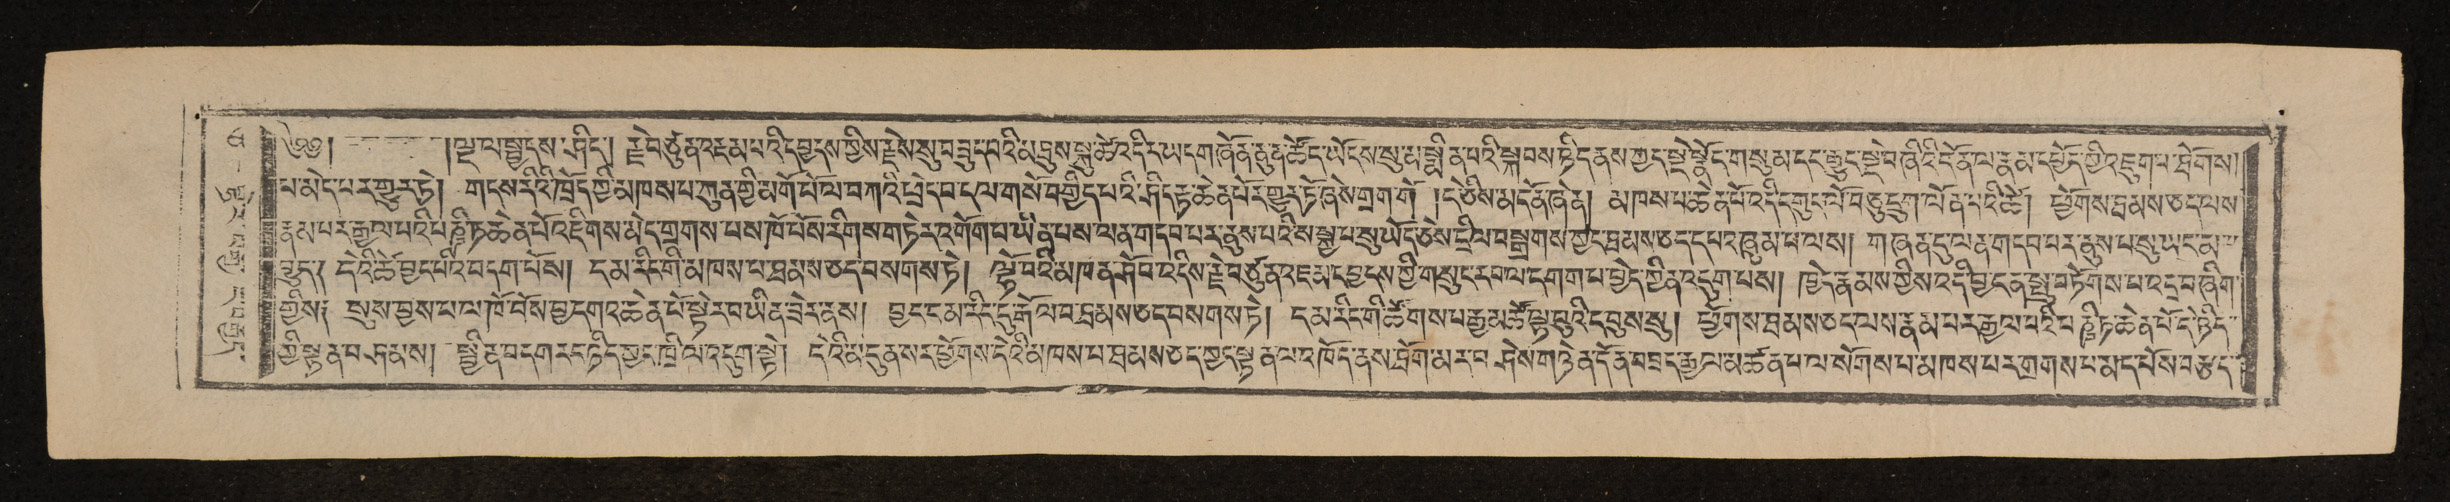༄༅། །ལྔ་ལ་སྦྱངས་ཤིང་། རྗེ་བཙུན་འཇམ་པའི་དབྱངས་ཀྱིས་རྗེས་སུ་བཟུང་བའི་མཐུས་སྐུ་ཚེ་འདིར་ཡང་གཞོན་ནུ་ན་ཚོང་ཡོངས་སུ་མ་སྨིན་པའི་སྐབས་ཉིད་ནས་ཀྱང་སྡེ་སྣོད་གསུམ་དང་རྒྱུད་སྡེ་བཞིའི་དོན་ལ་རྣམ་དཔྱོད་ཀྱི་འཇུག་པ་ཐོགས་
པ་མེད་པར་གྱུར་ཏེ། གངས་རིའི་ཁྲོད་ཀྱི་མཁས་པ་ཀུན་གྱི་མགོ་བོ་ལ་བཀའི་ཕྲེང་བར་ལ་གསོ་བགྱིད་པའི་ཤིང་རྟ་ཆེན་པོར་གྱུར་ཏོ་ཞེས་གྲག་གོ །དེ་ཅིས་མངོན་ཞེན། མཁས་པ་ཆེན་པོ་འདི་དགུང་ལོ་བཅུ་དྲུག་ལོན་པའི་ཚེ། ཕྱོགས་ཐམས་ཅད་ལས་
རྣམ་པར་རྒྱལ་བའི་པཎྜི་ཏ་ཆེན་པོ་འཇིགས་མེད་གྲགས་པས་ཁོ་བོས་རིགས་གཏེར་འགོག་པ་ཡིན་པས་ལན་གདབ་པར་ནུས་པའི་ས་སྐྱ་བ་སུ་ཡོད་ཅེས་དྲིལ་བསྒྲགས་ཀྱང་ཐམས་ཅད་དཔའ་ཞུམ་པ་ལས། གཞན་དུ་ལན་གདབ་པར་ནུས་པ་སུ་ཡང་མ་
བྱུང༑ དེའི་ཚེ་བྱང་བའི་བདག་པོས། དམ་རིང་གི་མཁས་པ་ཐམས་ཅད་བསགས་ཏེ། ལྷོ་བའི་མཁན་ཤོབ་འདིས་རྗེ་བཙུན་འཇམ་དབྱངས་ཀྱི་གསུང་རབ་ལ་དགག་པ་བྱེད་ཀྱི་ན་འདུག་པས། ཁྱེད་རྣམས་ཀྱིས་འདི་བྱ་ངན་སྤུ་བཏོགས་པ་འདྲ་བཞིག་
གྱིས༑ སུས་བྱས་པ་ལ་ཁོ་བོས་བྱ་དགའ་ཆེན་པོ་སྟེར་བ་ཡིན་ཟེར་ནས། བྱང་ངམ་རིང་དུ་རྒོལ་བ་ཐམས་ཅད་བསགས་ཏེ། ངམ་རིང་གི་ཚོགས་པ་རྒྱ་མཚོ་ལྟ་བུའི་དབུས་སུ། ཕྱོགས་ཐམས་ཅད་ལས་རྣམ་པར་རྒྱལ་བའི་པཎྜི་ཏ་ཆེན་པོ་དེ་ཉིད་
ཀྱི་སྟན་བཤམས། སྦྱིན་བདག་རང་ཉིད་ཀྱང་ཁྲི་ལ་འདུག་སྟེ། དེའི་མདུན་སར་ཕྱོགས་དེའི་མཁས་པ་ཐམས་ཅད་ཀྱང་སྟན་ལ་འཁོད་ནས་ཐོག་མར་བཤེས་གཉེན་དོན་བཟང་རྒྱལ་མཚན་པ་ལ་སོགས་པ་མཁས་པར་གྲགས་པ་ནང་བོས་བརྩད་